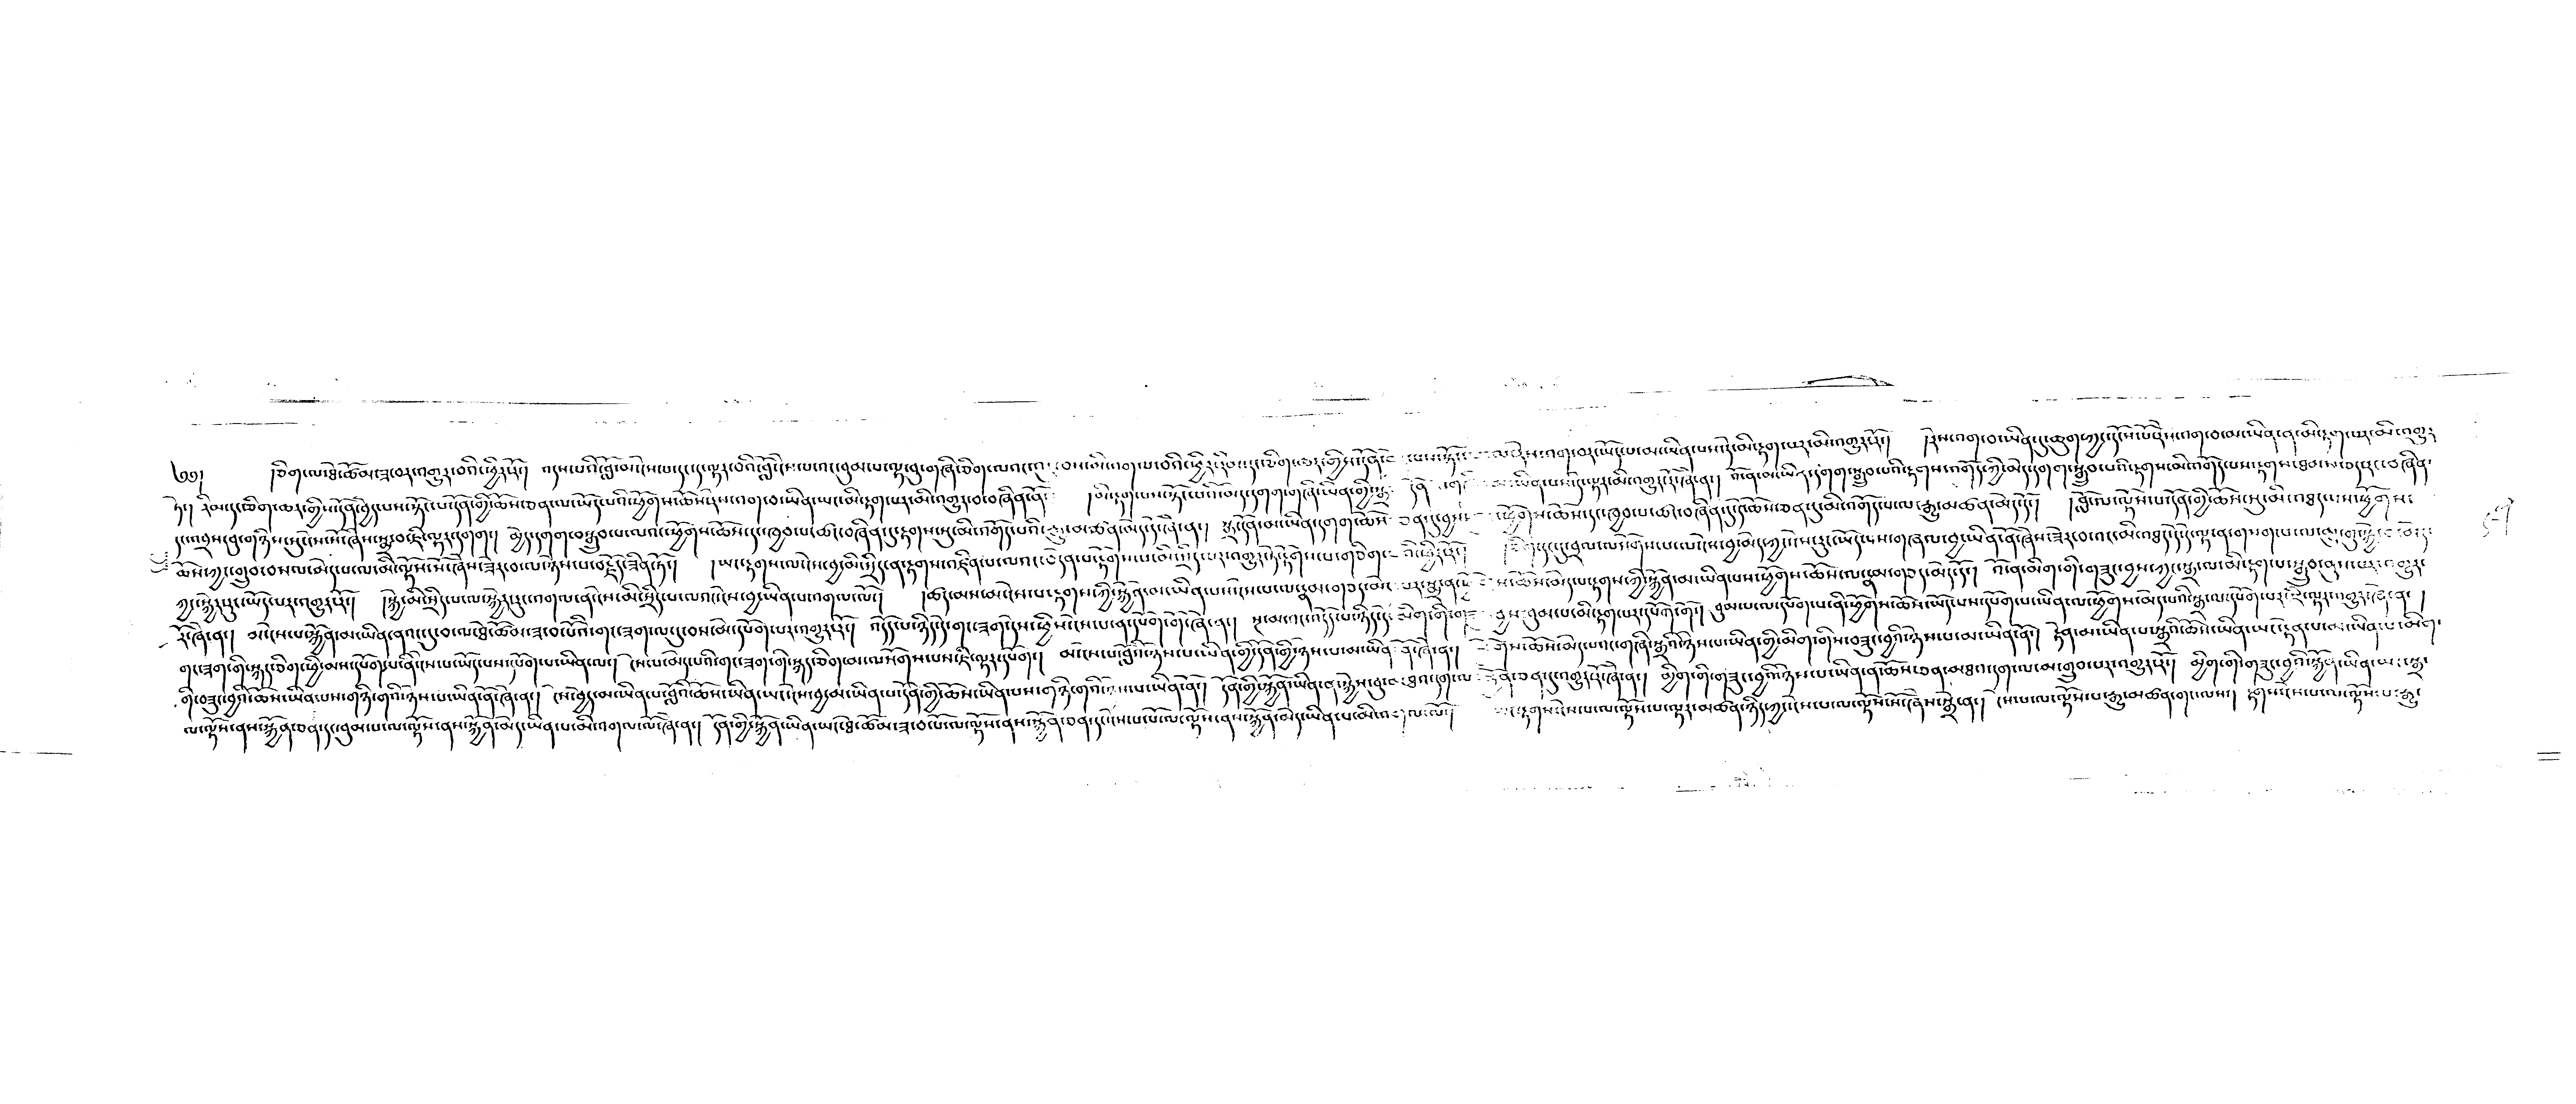༄༅། །ཅིག་ལ་ཐེ་ཚོམ་ཟ་བར་འགྱུར་བའི་ཕྱིར་རོ། འདས་པའི་བློ་མ་ངེས་པ་དང་ད་ལྟར་བའི་བློ་ངེས་པ་འང་བུམ་པ་ལྟ་བུ་གཞི་ཅིག་ལའང་འདུ་བས་མི་འགལ་བའི་ཕྱིར་རིམ་དང་ཅིག་ཆར་གྱིས་དོན་བྱེད་པས་སྟོང་པ་མ་རེས་འག་བར་ཡོད་པ་མ་ཡིན་པས་དེ་མི་རྟག་པར་མི་འགྱུར་རོ། །རེས་འག་བ་ཡིན་དུ་ཆུག་ཀྱང་དངོས་པོ་རེས་འག་བ་མ་ཡིན་ན་མི་རྟག་པར་མི་འགྱུར་
ཏེ། རིམ་དང་ཅིག་ཆར་གྱིས་དོན་བྱེད་པས་སྟོང་པ་དོན་གྱི་ཆོས་ཅན་ལ་ཡོད་པའི་ཕྱོགས་ཆོས་རེས་འག་བ་ཡིན་ཡང་མི་རྟག་པར་མི་འགྱུར་བ་བཞིན་ནོ། །མི་རྟག་པས་སྟོང་པའི་མེད་དགག་གཞི་ཡིན་གྱི་སྒྲ་དོན་?་མ་ཡིན་པས་དེ་ལྟར་མི་འགྱུར་རོ་ཞེ་ན། འོ་ན་མ་ཡིན་དགག་སྒྲུབ་པའི་རྟགས་འགོད་ཀྱི་མེད་དགག་སྒྲུབ་པའི་རྟགས་མི་འགོད་པས་རྟགས་ཐམས་ཅད་རང་བཞིན་
དང་འབྲས་བུ་གཉིས་སུ་ངེས་སོ་ཞེས་སྨྲ་བ་ཇི་ལྟར་དགག། མེད་དགག་བསྒྲུབ་པ་ལའང་ཕྱོགས་ཆོས་དང་ཁྱབ་པ་ཚང་བཞིན་དུ་རྟགས་སུ་མི་འགོད་པའི་རྒྱུ་མཚན་མེད་དོ་ཞེ་ན། སྒྲ་དོན་མ་ཡིན་དགག་ཆོས་ཅན་དུ་བྱས་?་ཕྱོགས་ཆོས་དང་ཁྱབ་པ་ཚང་བཞིན་དུ་དེ་ཆོས་ཅན་དུ་མི་འགོད་པ་ལ་རྒྱུ་མཚན་མེད་དོ། །བློ་ལ་ལྟོས་པ་དོན་གྱི་ཆོས་སུ་མི་འཐད་པས་ཕྱོགས་
ཆོས་ཀྱང་གྲུབ་བསལ་མེད་པ་ལ་མི་ལྟོས་སོ་ཞེས་ཟེར་བ་ལ་ཉེས་པ་བརྗོད་ཟིན་ཏོ། །ཡང་རྟགས་ལ་ངེས་བྱ་མི་སྲིད་ན་རྟགས་འཛིན་པ་ལའང་བདེན་པ་རྟོགས་པ་མི་སྲིད་པར་འགྱུར་ཏེ་རྟོགས་པ་གཅིག་པའི་ཕྱིར་རོ། །ཅིག་དང་དུ་བྲལ་ལ་སོགས་པ་ལ་ངེས་བྱ་མེད་ཀྱང་ངེས་རུང་ཡོད་པས་གཞལ་བྱ་ཡིན་ནོ་ཞེས་ཟེར་བ་འང་མི་འཐད་དེ་དེ་ལྟ་ན་གསག་པ་ལ་མྱུ་གུ་སྐྱེ་བ་མེད་
ཀྱང་སྐྱེར་རུང་ཡོད་པར་འགྱུར་རོ། །སྐྱེ་མི་སྲིད་པ་ལ་སྐྱེར་རུང་འགལ་ན་ངེས་མི་སྲིད་པ་ལའང་ངེས་བྱ་ཡིན་པ་འགལ་ལོ། །ཚད་མས་མ་ངེས་པ་རྟགས་ཀྱི་སྐྱོན་མ་ཡིན་པས་ངེས་པ་ལ་རྣམ་གཅད་མེད་པར་སྨྲ་ན་ཕྱོགས་ཆོས་མེད་པ་རྟགས་ཀྱི་སྐྱོན་མ་ཡིན་པས་ཕྱོགས་ཆོས་ལ་རྣམ་གཅད་མེད་དོ། འོ་ན་མིག་གི་གཟུང་བྱས་ཀྱང་སྒྲ་ལ་མི་རྟག་པ་སྒྲུབ་ནུས་པར་འགྱུར་
རོ་ཞེ་ན། མ་ངེས་པ་སྐྱོན་མ་ཡིན་ནའང་དུ་བ་ལ་ཐེ་ཚོམ་ཟ་བ་པོའི་གང་ཟག་ལ་དུ་བས་མེ་དཔོག་པར་འགྱུར་རོ། འདོད་པ་ཉིད་དེ་གང་ཟག་དེས་ཕྱིས་ངེས་པ་ན་དཔོག་གོ་ཞེ་ན། སྔ་མ་འང་འདོད་པ་ཉིད་དེ་མིག་གི་གཟུང་བྱས་བུམ་པ་མི་རྟག་པར་དཔོག་གོ །བུམ་པ་ལ་དཔོག་པ་ནི་ཕྱོགས་ཆོས་ཡོད་པས་དཔོག་པ་ཡིན་ལ་ཕྱོགས་མེད་པའི་སྒྲ་ལ་དཔོག་པར་ཇི་ལྟར་འགྱུར་ཞེ་ན།
གང་ཟག་གི་སྐད་ཅིག་ཕྱི་མས་དཔོག་པ་ནི་ངེས་པ་ཡོད་པས་དཔོག་པ་ཡིན་ལ། ངེས་པ་མེད་པའི་གང་ཟག་གི་སྐད་ཅིག་མ་ལ་སོགས་པས་ཇི་ལྟར་དཔོག །མ་ངེས་པ་བློའི་ཉེས་པ་ཡིན་གྱི་དོན་གྱི་ཉེས་པ་མ་ཡིན་ནོ་ཞེ་ན། ཕྱོགས་ཆོས་མེད་པའང་གཞི་སྒྲའི་ཉེས་པ་ཡིན་གྱི་མིག་གིས་བཟུང་བྱའི་ཉེས་པ་མ་ཡིན་ནོ། རྟེན་མ་ཡིན་པ་སྒྲའི་ཆོས་ཡིན་ཡང་རྟེན་པ་མ་ཡིན་པ་མིག་
གི་བཟུང་བྱའི་ཆོས་ཡིན་པས་གཉི་གའི་ཉེས་པ་ཡིན་ནོ་ཞེ་ན། ངེས་བྱེད་མ་ཡིན་པ་བློའི་ཆོས་ཡིན་ཡང་ངེས་བྱ་མ་ཡིན་པ་དོན་གྱི་ཆོས་ཡིན་པས་གཉི་གའི་ཉེས་པ་ཡིན་ནོ། དོན་གྱི་སྐྱོན་ཡིན་ན་སྐྱེས་བུ་མཐའ་དག་ལ་སྐྱོན་ཅན་དུ་འགྱུར་རོ་ཞེ་ན། མྱིག་གི་གཟུང་བྱའི་ཉེས་པ་ཡིན་ན་ཆོས་ཅན་མཐའ་དག་ལ་མ་གྲུབ་པར་འགྱུར་རོ། མྱིག་གི་གཟུང་བྱའི་སྐྱོན་ཡིན་ཡང་སྒྲ་
ལ་ལྟོས་ནས་སྐྱོན་ཅན་དང་བུམ་པ་ལ་ལྟོས་ནས་སྐྱོན་མེད་ཡིན་པ་མི་འགལ་ལོ་ཞེ་ན། དོན་གྱི་སྐྱོན་ཡིན་ཡང་ཐེ་ཚོམ་ཟ་བ་པོ་ལ་ལྟོས་ནས་སྐྱོན་ཅན་དང་ངེས་པ་པོ་ལ་ལྟོས་ནས་སྐྱོན་མེད་ཡིན་པ་མི་འགལ་ལོ། ཡང་རྟགས་ངེས་པ་ལ་ལྟོས་པ་ལྟར་མཚན་ཉིད་ཀྱང་ངེས་པ་ལ་ལྟོས་སོ་ཞེས་སྒྲེ་ན། ངེས་པ་ལ་ལྟོས་པ་རྒྱུ་མཚན་གང་ལས། རྟགས་ངེས་པ་ལ་ལྟོས་པ་རྒྱུ་